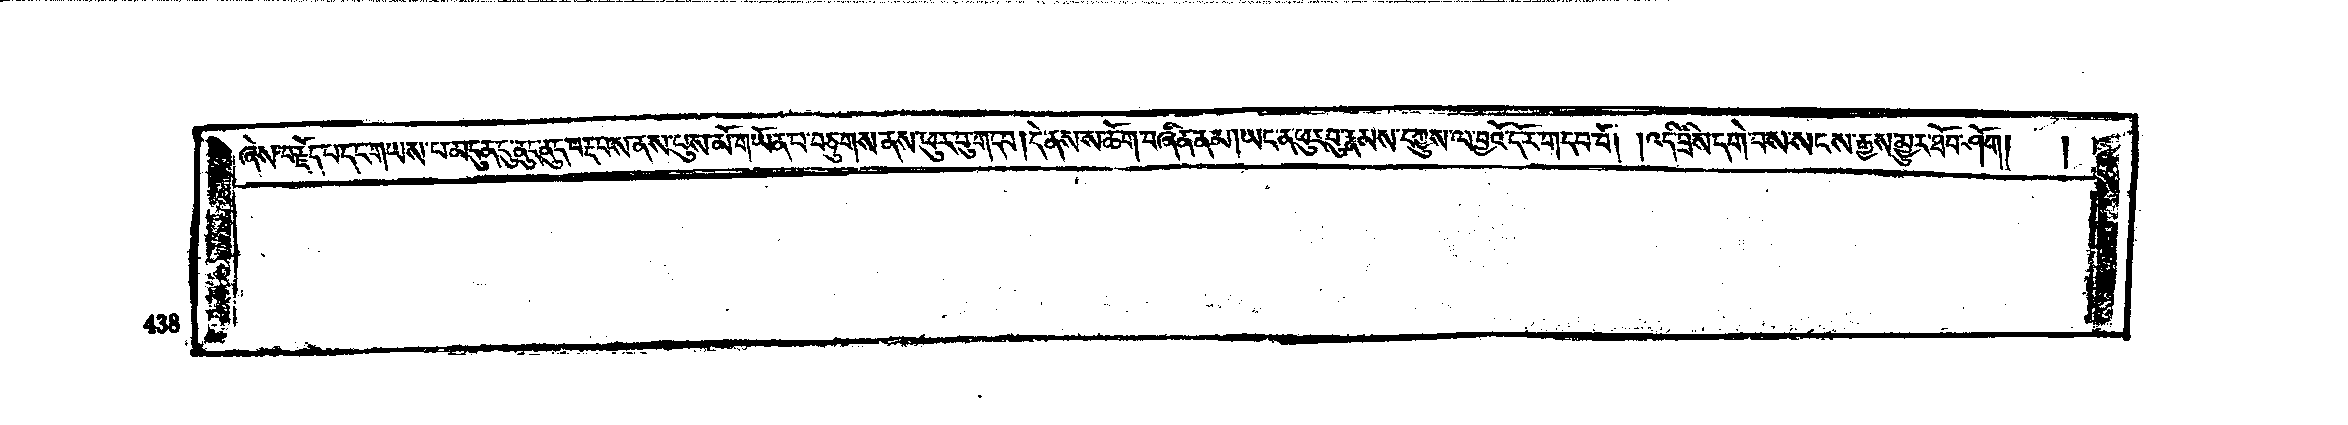ཞེས་བརྗོད་པ་དང་གཡས་པ་མདུན་དུ་ནུད་ནུད་བརྡབས་ནས་པུས་མོ་གཡོན་པ་བཅུགས་ནས་ཕུར་བུ་གདབ། དེ་ནས་ས་ཆོག་བཞིན་ནམ། ཡང་ན་ཕུར་བུ་རྣམས་དཀྱུས་ལ་བྱའོ་དོར་གདབ་བོ། །འདི་བྲིས་དགེ་བས་སངས་རྒྱས་མྱུར་ཐོབ་ཤོག ། །